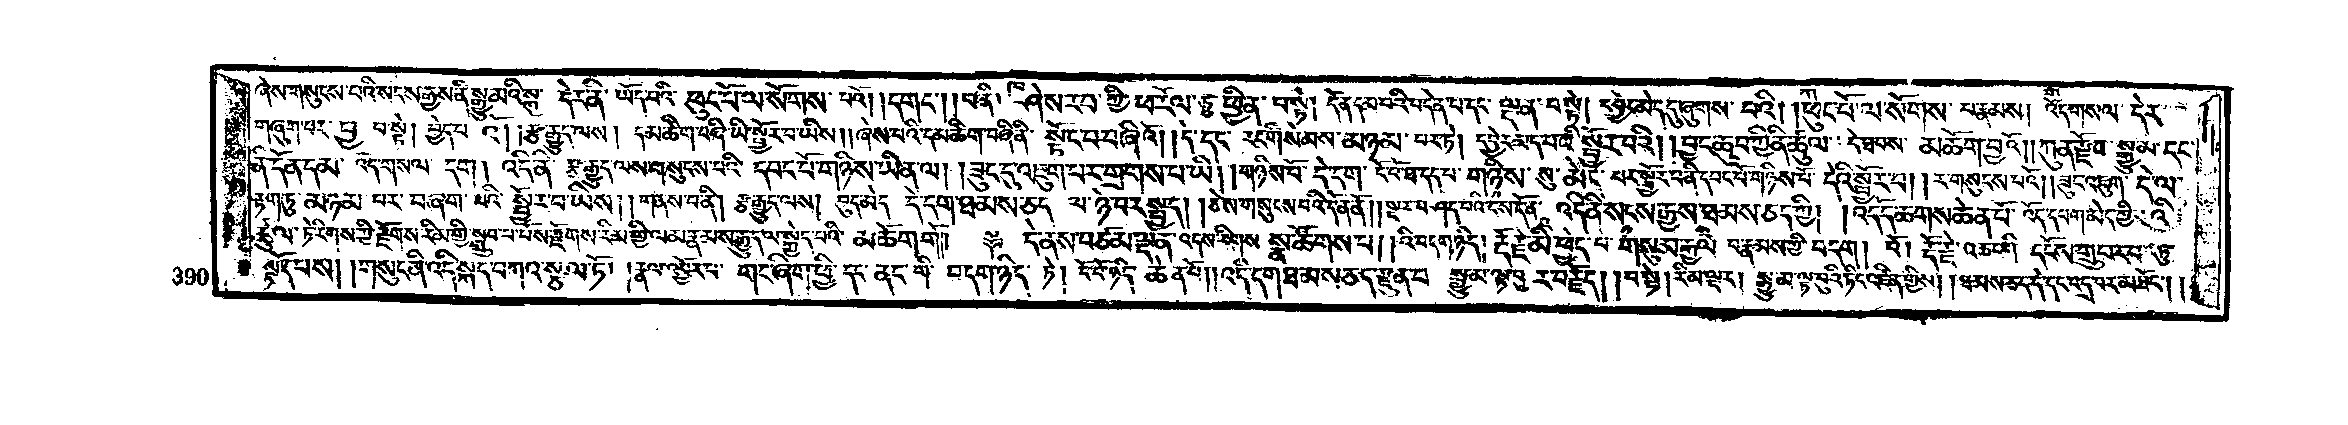ཞེས་གསུངས་པའི་སངས་རྒྱས་ནི་སྒྱུ་མའི་སྐུ་དེར་ནི་ཡོད་པའི་ཕུང་པོ་ལ་སོགས་པའོ།  །དགང་། བ་ནི། ཁ་ཤེས་རབ་ཀྱི་ཕ་རོལ་ཏུ་ཕྱིན་པ་སྟེ། དོན་དམ་པའི་བདེན་པ་དང་ལྡན་པ་སྟེ། དབྱེར་མེད་དུ་ཞུགས་པའི། །ཀ་ཕུང་པོ་ལ་སོགས་པ་རྣམས། ག་འོད་གསལ་དེར་
གཞུག་པར་བྱ་བ་སྟེ། བྱེད་པའོ། །རྩ་རྒྱུད་ལས། དམ་ཚིག་བཞི་ཡི་སྦྱོར་བ་ཡིས། །ཞེས་པའི་དམ་ཚིག་བཞི་ནི་སྟོང་པ་བཞིའོ། །དེ་དང་རང་གི་སེམས་མཉམ་པར་ཏེ། དབྱེར་མེད་པར་སྦྱོར་བའི། །བྱང་ཆུབ་ཀྱི་ནི་ཚུལ་དེ་ཐབས་མཆོག་བྱའོ། །ཀུན་རྫོབ་སྒྱུ་མ་དང་
ནི་དོན་དམ་འོད་གསལ་དག །འདི་ནི་རྩ་རྒྱུད་ལས་གསུངས་པའི་དབང་པོ་གཉིས་ཡིན་ལ། །ཟུང་དུ་འཇུག་པར་གྲགས་པ་ཡི། ། གཉིས་པོ་དེ་དག་ངོ་བོ་ཐ་དད་པ་གཉིས་སུ་མེད་པར་སྦྱོར་བ་ནི་དབང་པོ་གཉིས་པོ་དེའི་སྦྱོར་བ། ། ར་གསུངས་པའོ། །ཟུང་འཇུག་དེ་ལ་
རྟག་ཏུ་མཉམ་པར་བཞག་པའི་སྦྱོར་བ་ཡིས། །གནས་པ་ནི། རྩ་རྒྱུད་ལས། བུད་མེད་དེ་དག་ཐམས་ཅད་ལ་ཉེ་བར་སྤྱད། །ཅེས་གསུངས་པའི་དོན་ནོ། །སྔར་བཤད་པའི་ངེས་དོན་འདི་ནི་སངས་རྒྱས་ཐམས་ཅད་ཀྱི། །འདོད་ཆགས་ཆེན་པོ་འོད་དཔག་མེད་ཀྱི་འི་
ཚུལ་ཏེ་རིགས་ཀྱི་རྫོགས་རིམ་གྱི་སྒྲུབ་པ་པོས་རྫོགས་རིམ་གྱི་ལམ་རྣམས་རྒྱུད་ལ་སྐྱེད་པའི་མཆོག་གོ ། ༈ དེ་ནས་བཅོམ་ལྡན་འདས་རིགས་སྣ་ཚོགས་པ། ། འི་བདག་ཉིད།  རྡོ་རྗེ་མི་ཕྱེད་པ་གསུམ་རྒྱལ་བ་རྣམས་ཀྱི་བདག །པོ། རྡོ་རྗེ་འཆང་གི་དངོས་གྲུབ་རབ་ཏུ་
སྟོན་པས། །གསུང་ནི་འདི་སྐད་བཀའ་སྩལ་ཏོ། །རྣལ་འབྱོར་པ་གང་ཞིག་ཕྱི་དང་ནང་གི་བདག་ཉིད་ཏེ། ངོ་བོ་ཉིད་ཆེན་པོ། །འདི་དག་ཐམས་ཅད་རྫུན་པ་སྒྱུ་མ་ལྟ་བུར་བརྗོད། །པ་སྟེ། རིམ་ལྔར། སྒྱུ་མ་ལྟ་བུའི་ཏིང་འཛིན་གྱིས། །ཐམས་ཅད་དེ་དང་འདྲ་བར་མཐོང།།